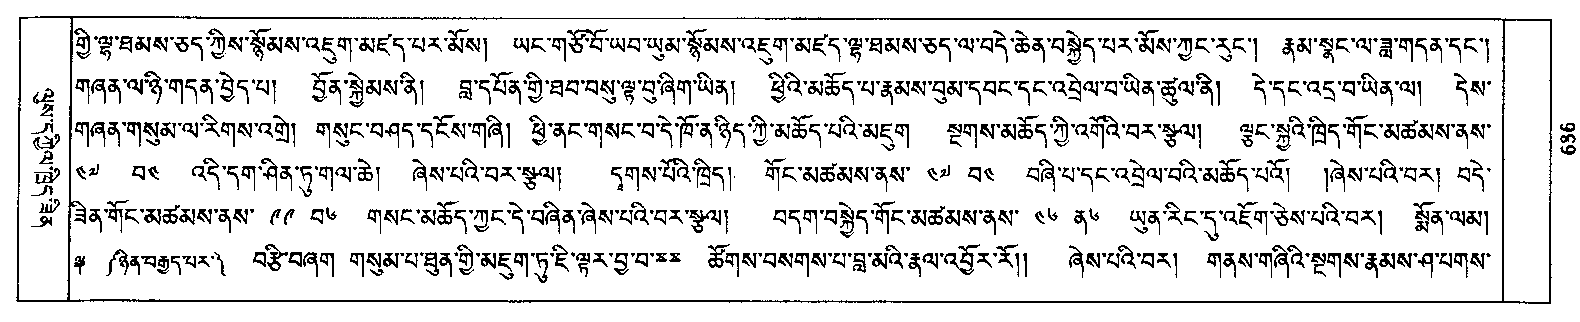གྱི་ལྷ་ཐམས་ཅད་ཀྱིས་སྙོམས་འཇུག་མཛད་པར་མོས། ཡང་གཙོ་བོ་ཡབ་ཡུམ་སྙོམས་འཇུག་མཛད་ལྷ་ཐམས་ཅད་ལ་བདེ་ཆེན་བསྐྱེད་པར་མོས་ཀྱང་རུང་། རྣམ་སྣང་ལ་ཟླ་གདན་དང་།
གཞན་ལ་ཉི་གདན་བྱེད་པ། བྱོན་སྐྱེམས་ནི། བླ་དཔོན་གྱི་ཐབ་བསུ་ལྟ་བུ་ཞིག་ཡིན། ཕྱིའི་མཆོད་པ་རྣམས་བུམ་དབང་དང་འབྲེལ་བ་ཡིན་ཚུལ་ནི། དེ་དང་འདྲ་བ་ཡིན་ལ། དེས་
གཞན་གསུམ་ལ་རིགས་འགྲེ། གསུང་བཤད་དངོས་གཞི། ཕྱི་ནང་གསང་བ་དེ་ཁོ་ན་ཉིད་ཀྱི་མཆོད་པའི་མཇུག་སྔགས་མཆོད་ཀྱི་འགོའི་བར་སྩལ། ལྕང་སྐྱའི་ཁྲིད་གོང་མཚམས་ནས་
༤༧་བ ༤་འདི་དག་ཤིན་ཏུ་གལ་ཆེ། ཞེས་པའི་བར་སྩལ། དྭགས་པོའི་ཁྲིད། གོང་མཚམས་ནས ༤༧་བ ༤་བཞི་པ་དང་འབྲེལ་བའི་མཆོད་པའོ། །ཞེས་པའི་བར། བདེ་
ཟིན་གོང་མཚམས་ནས ༩༩་བ ༦་གསང་མཆོད་ཀྱང་དེ་བཞིན་ཞེས་པའི་བར་སྩལ། བདག་བསྐྱེད་གོང་མཚམས་ནས ༤༦་ན ༦་ཡུན་རིང་དུ་འཇོག་ཅེས་པའི་བར། སྨོན་ལམ།
༈ ཉིན་བརྒྱད་པར྄་བརྩི་བཞག་གསུམ་པ་ཐུན་གྱི་མཇུག་ཏུ་ཇི་ལྟར་བྱ་བ་྾་྾་ཚོགས་བསགས་པ་བླ་མའི་རྣལ་འབྱོར་རོ།། ཞེས་པའི་བར། གནས་གཞིའི་སྔགས་རྣམས་ཤ་པགས་